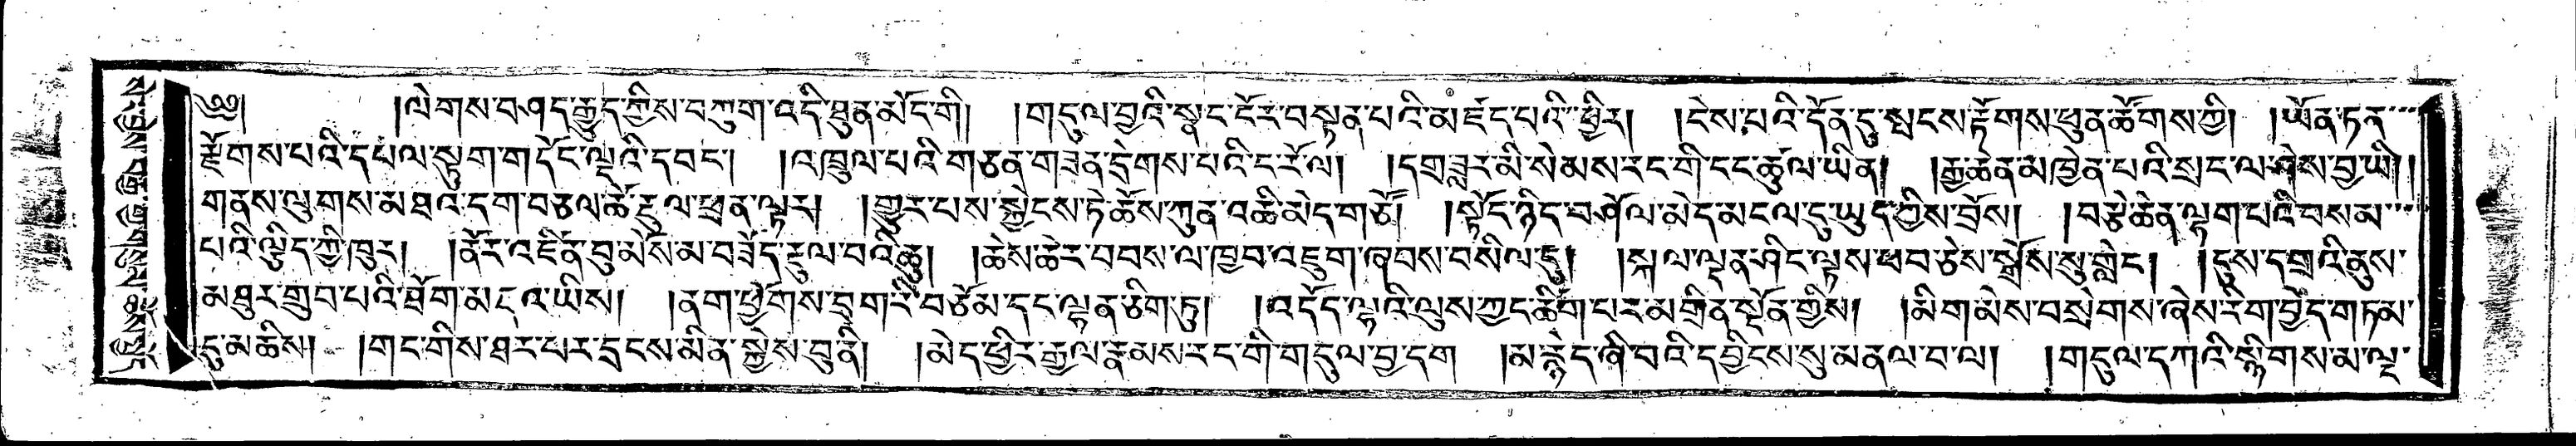༄༅། །ལེགས་བཤད་རྒྱུད་ཀྱིས་བཀུག་འདི་ཐུན་མོང་གི། །གདུལ་བྱའི་སྣང་ངོར་བསྟན་པའི་མཛད་པའི་ཕྱིར། །ངེས་པའི་དོན་དུ་སྤངས་རྟོགས་ཕུན་ཚོགས་ཀྱི། །ཡོན་ཏན་
རྫོགས་པའི་དཔལ་སྟུག་གདོང་ལྔའི་དབང་། །འཁྲུལ་པའི་གཅན་གཟན་དྲེགས་པའི་ང་རོ་ལ། །དགྲ་ཟླར་མི་སེམས་རང་གི་ངང་ཚུལ་ཡིན། །རྒྱ་ཆེན་མཁྱེན་པའི་སྲང་ལ་ཤེས་བྱ་ཡི། །
གནས་ལུགས་མཐའ་དག་བཅལ་ཚེ་རྡུལ་ཕྲན་ལྟར། །གྱུར་པས་སྐྱེངས་ཏེ་ཆོས་ཀུན་འཆི་མེད་གཙོ། །སྟོང་ཉིད་བཤོལ་མེད་མངལ་དུ་ཡུད་ཀྱིས་བྲོས། །བརྩེ་ཆེན་ལྷག་པའི་བསམ་
པའི་ལྕིད་ཀྱི་ཁུར། །ནོར་འཛིན་བུ་མོས་མ་བཟོད་རྡུལ་བའི་ཆུ། །ཆེས་ཆེར་བབས་ལ་ཁྱབ་འཇུག་ཞབས་བསིལ་དུ། །སྐལ་ལྡན་ཤིང་ལྟས་ཕབ་ཅེས་སྒྲོས་སུ་གླེང་། །དུས་དགྲའི་ནུས་
མཐུར་གྲུབ་པའི་ཐོག་མདའ་ཡིས། །ནག་ཕྱོགས་བྲག་རི་བཅོམ་དང་ལྷན་ཅིག་ཏུ། །འདོད་ལྷའི་ལུས་ཀྱང་ཚིག་པར་མགྲིན་སྔོན་གྱིས། །མིག་མེས་བསྲེགས་ཞེས་རིག་བྱེད་གཏམ་
དུ་མཆིས། །གང་གིས་ཐར་པར་དྲངས་མིན་སྐྱེས་བུ་ནི། །མེད་ཕྱིར་རྒྱལ་རྣམས་རང་གི་གདུལ་བྱ་དག །མ་རྙེད་ཞི་བའི་དབྱིངས་སུ་མནལ་བ་ལ། །གདུལ་དཀའི་སྙིགས་མ་ལྔ་